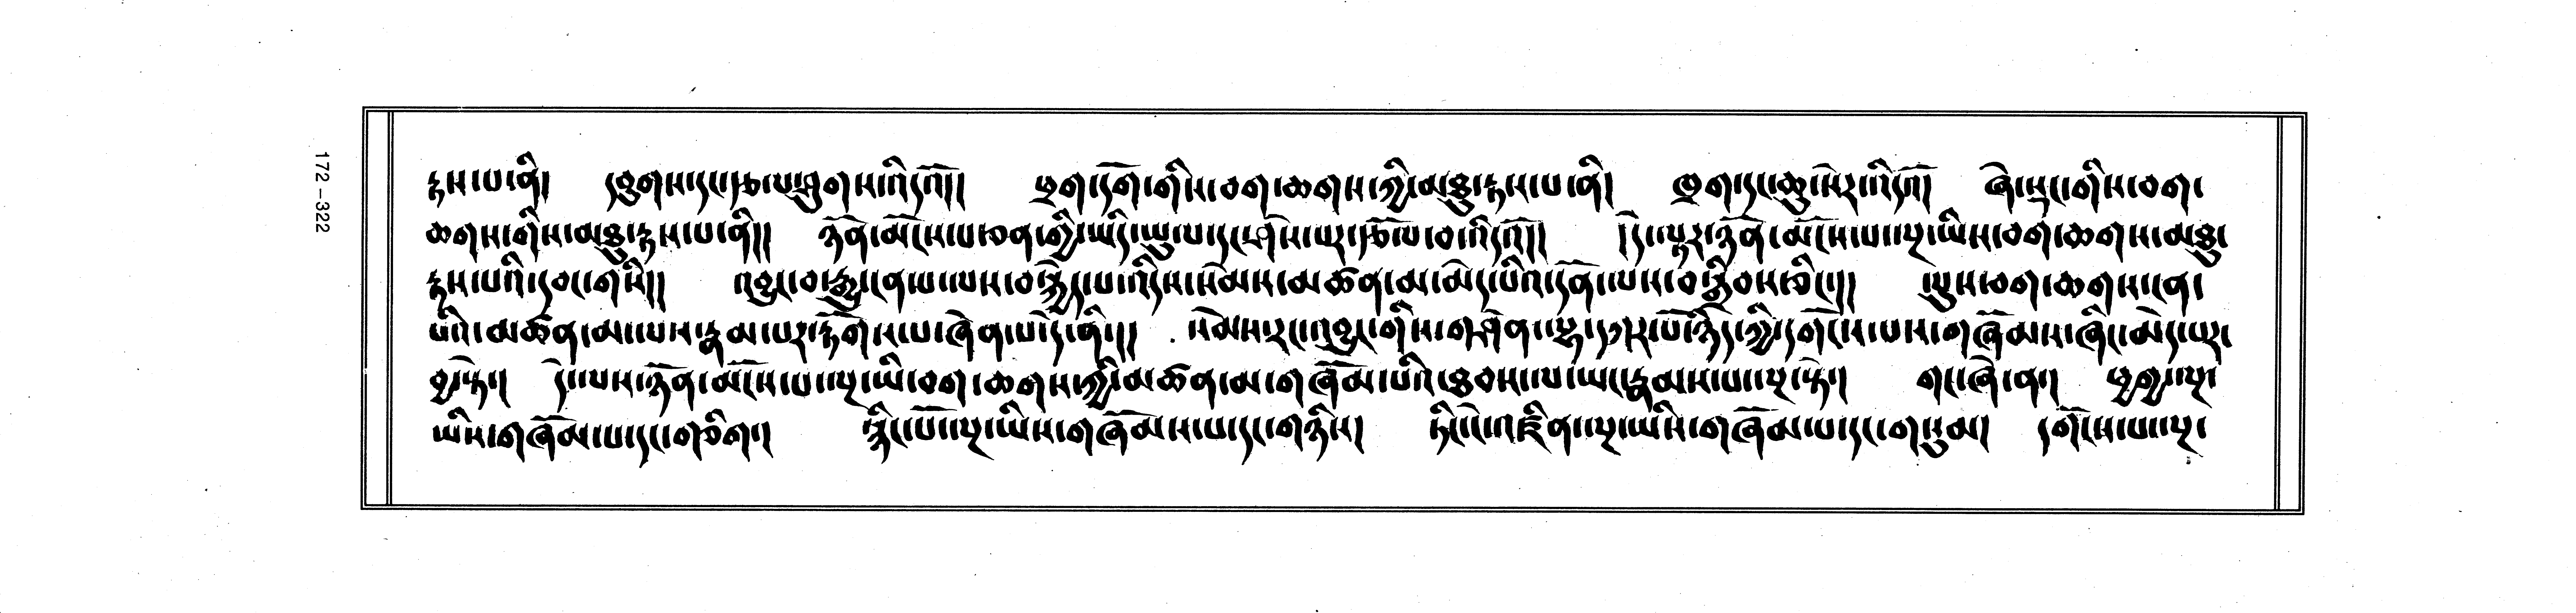རྟས་པ་ནི། དབུགས་དང་རྩལ་ཤུགས་འདིའོ། ཕྲག་དོགས་གིས་བག་ཆགས་ཀྱི་མཐུ་རྟས་པ་ནི། ཁྲག་དང་ཆུ་སེར་འདིའོ། ཞེ་སྡང་གིས་བག་
ཆགས་གིས་མཐུ་རྟས་པ་ནི། ཉོན་མོངས་པ་ཅན་གྱི་ཡིད་ཡུལ་དང་ཤེས་པར་རྩོལ་བ་འདིའོ། དེ་ལྟར་ཉོན་མོངས་པ་ལྔ་ཡིས་བག་ཆགས་མཐུ་
རྟས་པའི་དབང་གིས། འབྱུང་བ་རྒྱུ་ངན་པ་ལས་བསྐྱེད་པ་འདིས་སེམས་མཚན་མ་མེད་པའི་དོན་ལས་བསྒྲིབས་ཅིང་། ལུས་བག་ཆགས་ངན་
པའི་མཚན་མ་ལས་རྣམ་པར་རྟོགས་པ་ཞེན་པ་དེ་ནི། སེམས་རང་འབྱུང་གིས་གཤེན་ལྷ་དཀར་པོ་ཉིད་ཀྱི་དགོངས་པས་གཞོམས་ཞིང་མེད་པར་
བྱ་སྟེ། དེ་ལས་ཉོན་མོངས་པ་ལྔ་ཡི་བག་ཆགས་ཀྱི་མཚན་མ་གཞོམ་པའི་ཐབས་ལ་ཡང་རྣམ་པ་ལྔ་སྟེ། གང་ཞེ་ན། ཕྱག་རྒྱ་ལྔ་
ཡིས་གཞོམ་པ་དང་གཅིག སྙིང་པོ་ལྔ་ཡིས་གཞོམ་པ་དང་གཉིས། ཏིང་ངེ་འཛིན་ལྔ་ཡིས་གཞོམ་པ་དང་གསུམ། དགོངས་པ་ལྔ་